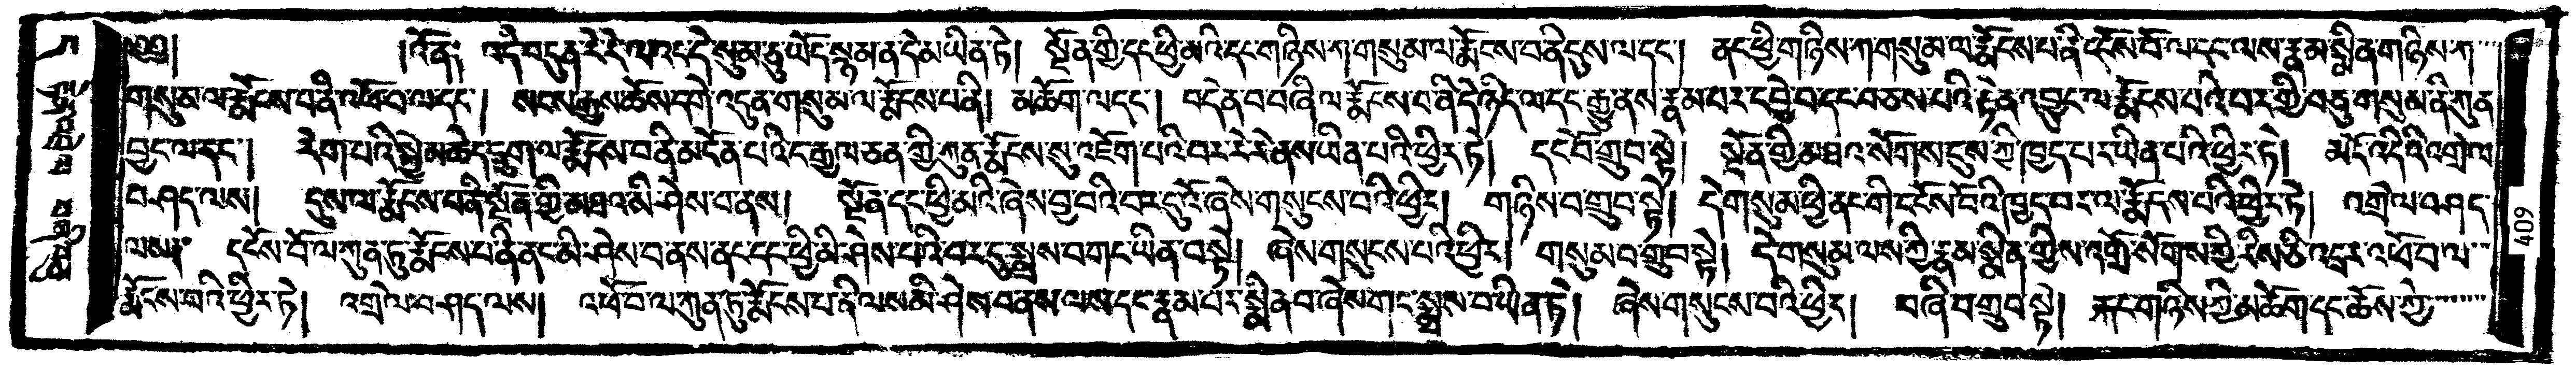༄༅། །འོ་ན༑ འདི་བདུན་རེ་རེ་ལའང་དེ་སུམ་ཅུ་ཡོད་སྙམ་ན་དེ་མ་ཡིན་ཏེ། སྔོན་གྱི་དང་ཕྱི་མའི་དང་གཉིས་ཀ་གསུམ་ལ་རྨོངས་པ་ནི་དུས་ལ་དང་། ནང་ཕྱི་གཉིས་ཀ་གསུམ་ལ་རྨོངས་པ་ནི་དངོས་པོ་ལ་དང་ལས་རྣམ་སྨིན་གཉིས་ཀ་
གསུམ་ལ་རྨོངས་པ་ནི་འཕོ་བ་ལ་དང་། སངས་རྒྱས་ཆོས་དགེ་འདུན་གསུམ་ལ་རྨོངས་པ་ནི། མཆོག་ལ་དང་། བདེན་པ་བཞི་ལ་རྨོངས་པ་ནི་དེ་ཉིད་ལ་དང་རྒྱུ་ནས་རྣམ་པར་དབྱེ་བ་དང་བཅས་པའི་རྟེན་འབྱུང་ལ་རྨོངས་པའི་བར་གྱི་བཅུ་གསུམ་ནི་ཀུན་
བྱང་ལ་དང་། རེག་པའི་སྐྱེ་མཆེད་དྲུག་ལ་རྨོངས་པ་ནི་མངོན་པའི་ང་རྒྱལ་ཅན་གྱི་ཀུན་རྨོངས་སུ་འཇོག་པའི་བར་རེ་རེ་ནས་ཡིན་པའི་ཕྱིར་ཏེ། དང་པོ་གྲུབ་སྟེ། སྔོན་གྱི་མཐའ་སོགས་དུས་ཀྱི་ཁྱད་པར་ཡིན་པའི་ཕྱིར་ཏེ། མདོ་འདིའི་འགྲེལ་
བཤད་ལས། དུས་ལ་རྨོངས་པ་ནི་སྔོན་གྱི་མཐའ་མི་ཤེས་པ་ནས། སྔོན་དང་ཕྱི་མའི་ཞེས་བྱ་བའི་བར་དུ་འོ་ཞེས་གསུངས་པའི་ཕྱིར། གཉིས་པ་གྲུབ་སྟེ། དེ་གསུམ་ཕྱི་ནང་གི་དངོས་པོའི་ཁྱད་པར་ལ་རྨོངས་པའི་ཕྱིར་ཏེ། འགྲེལ་བཤད་
ལས༑ དངོས་པོ་ལ་ཀུན་ཏུ་རྨོངས་པ་ནི་ནང་མི་ཤེས་པ་ནས་ནང་དང་ཕྱི་མི་ཤེས་པའི་བར་དུ་སྨྲས་པ་གང་ཡིན་པ་སྟེ། ཞེས་གསུངས་པའི་ཕྱིར། གསུམ་པ་གྲུབ་སྟེ། དེ་གསུམ་ལས་ཀྱི་རྣམ་སྨིན་གྱིས་འགྲོ་སོགས་ཀྱི་རིས་ཅི་འདྲར་འཕོ་བ་ལ་
རྨོངས་པའི་ཕྱིར་ཏེ། འགྲེལ་བཤད་ལས། འཕོ་བ་ལ་ཀུན་ཏུ་རྨོངས་པ་ནི་ལས་མི་ཤེས་པ་ནས་ལས་དང་རྣམ་པར་སྨིན་པ་ཞེས་གང་སྨྲས་པ་ཡིན་ཏེ། ཞེས་གསུངས་པའི་ཕྱིར། བཞི་པ་གྲུབ་སྟེ། རྐང་གཉིས་ཀྱི་མཆོག་དང་ཆོས་ཀྱི་